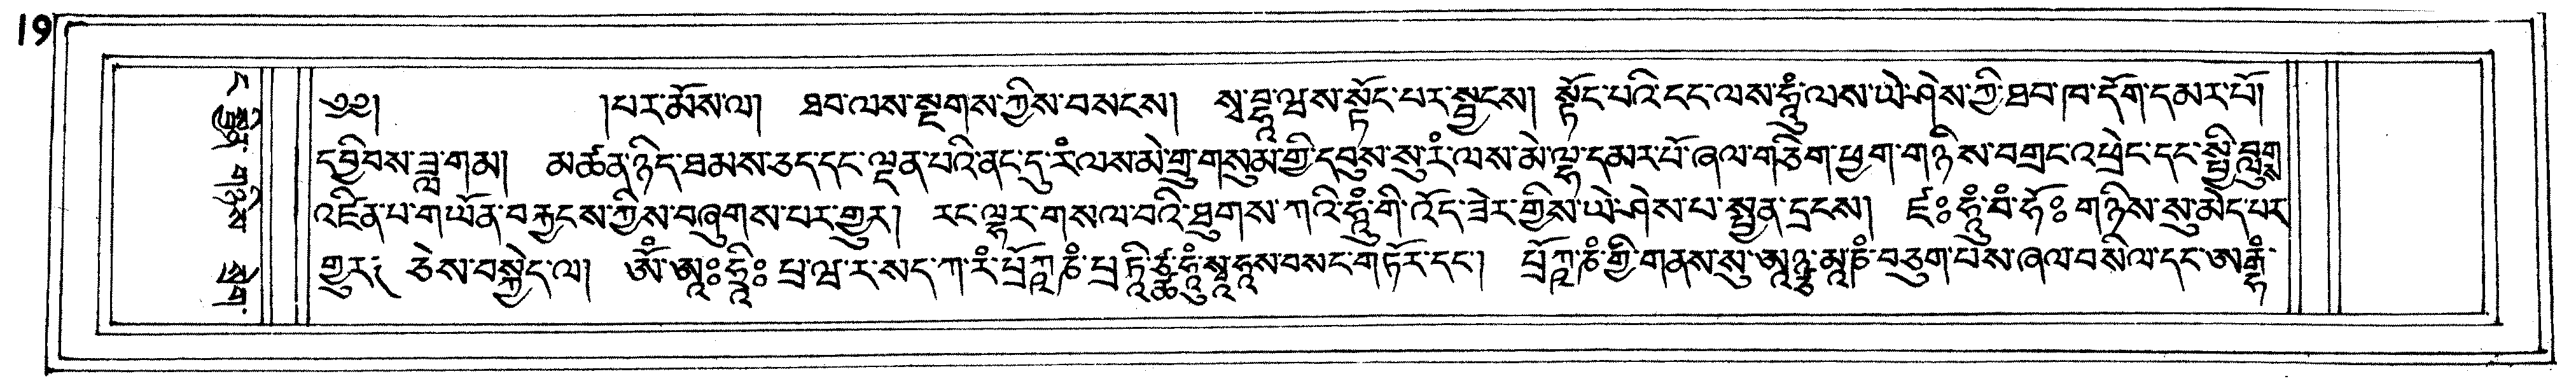༄༅། །པར་མོས་ལ། ཐབ་ལས་སྔགས་ཀྱིས་བསངས། སྭ་བྷཱ་ཝས་སྟོང་པར་སྦྱངས། སྟོང་པའི་ངང་ལས་ཧཱུཾ་ལས་ཡེ་ཤེས་ཀྱི་ཐབ་ཁ་དོག་དམར་པོ།
དབྱིབས་ཟླ་གམ། མཚན་ཉིད་ཐམས་ཅད་དང་ལྡན་པའི་ནང་དུ་རཾ་ལས་མེ་གྲུ་གསུམ་གྱི་དབུས་སུ་རཾ་ལས་མེ་ལྷ་དམར་པོ་ཞལ་གཅིག་ཕྱག་གཉིས་བགྲང་འཕྲེང་དང་སྤྱི་བླུགས་
འཛིན་པ་གཡོན་བརྐྱངས་ཀྱིས་བཞུགས་པར་གྱུར། རང་ལྷར་གསལ་བའི་ཐུགས་ཀའི་ཧཱུཾ་གི་འོད་ཟེར་གྱིས་ཡེ་ཤེས་པ་སྤྱན་དྲངས། ཛཿ ཧཱུཾ་བཾ་ཧོཿ གཉིས་སུ་མེད་པར་
གྱུར༑ ཅེས་བསྐྱེད་ལ། ཨོཾ་ཨཱཿ ཧྲཱིཿ པྲ་ཝ་ར་སད་ཀ་རཾ་པྲོཀྵ་ཎཾ་པྲཏཱི་ཙྪ་ཧཱུཾ་སྭཱ་ཧཱས་བསང་གཏོར་དང་། པྲོཀྵ་ཎཾ་གྱི་གནས་སུ་ཨཱཉྩ་མཱ་ཎཾ་བཅུག་པས་ཞལ་བསིལ་དང་ཨརྒྷཾ་